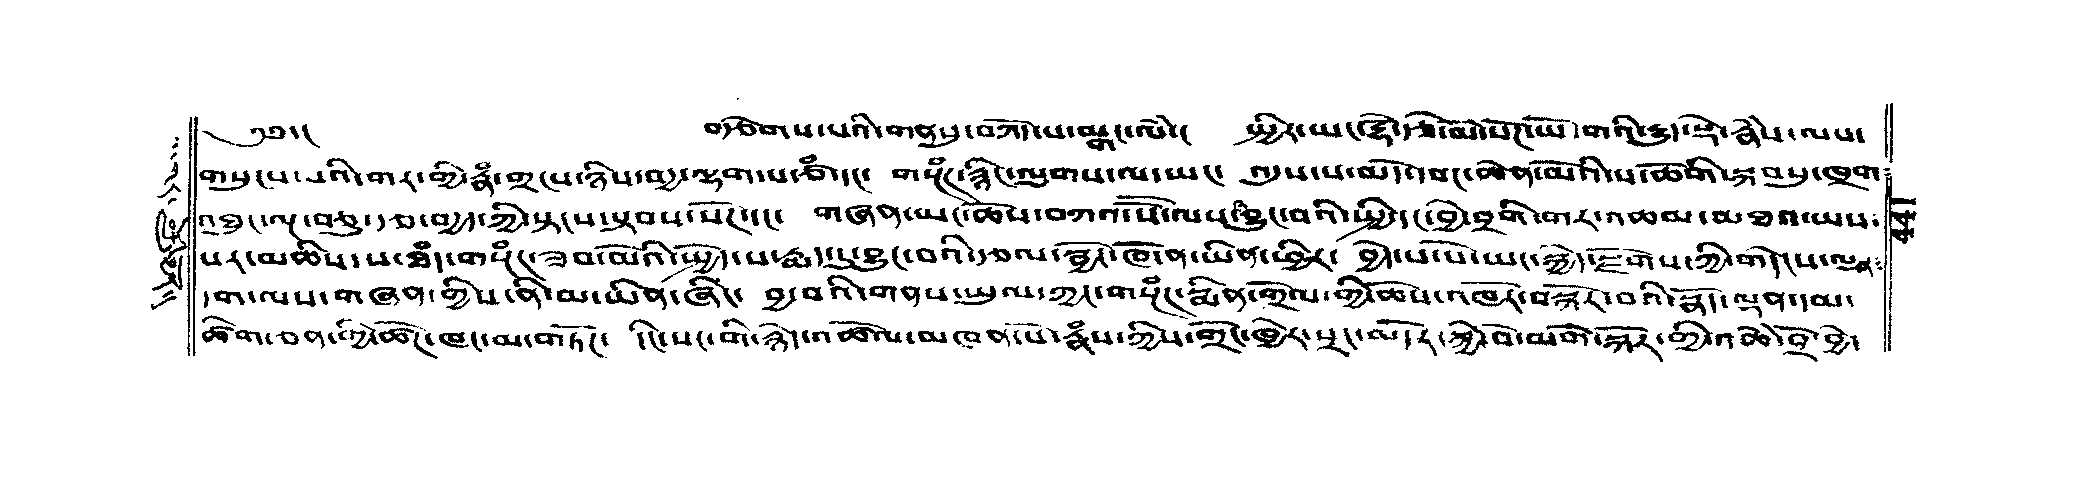བརྩེགས་པའི་གནས་སུ་བཀོད་པ་མངྒ་ལཾ། སྤྱིར་ཡང་རྡོ་རྗེ་རྩེ་མོ་སོགས་ཡོ་གའི་རྒྱུད་སྡེ་རྣམས་ལས་
གསུངས་པའི་གར་གྱི་རྣམ་གྲངས་ཉིས་བརྒྱ་ལྷག་པ་ཙམ་དང་། གསང་སྔགས་རྙིང་ལུགས་ལ་ཡང་། འདུས་པ་མདོ་དབང་ཆེན་མོའི་ཆོག་གི་སྐབས་སུ་ཁྲག་
འཐུང་ལྔ་བཅུ་རྩ་བརྒྱད་ཀྱི་སྟངས་སྟབས་སོགས་དང་། གཞན་ཡང་ཆོས་བཀའ་སོ་སོ་ལས་འབྱུང་བའི་སྤྱི་དང་བྱེ་བྲག་གི་གར་འཆམ་མཐའ་ཡས་
པར་མཆིས་པ་ཐམས་ཅད་གསང་སྔགས་ཟབ་མོའི་སྤྱོད་པ་རྨད་དུ་བྱུང་བའི་རྩལ་སྦྱོང་ཁོ་ན་ཡིན་ཕྱིར།བྱེད་པ་པོ་ཡང་བསྐྱེད་རྫོགས་ཀྱི་གདེངས་ལྡན་
དག་ལས་གཞན་གྱིས་ནི་མ་ཡིན་ཞིང་། བྱ་བའི་གནས་ཡུལ་ཀྱང་གསང་སྔགས་སྨིན་གྲོལ་གྱི་ཆོས་འཁོར་བསྐོར་བའི་སྣོད་ལྡན་དམ་
ཚིག་ཅན་གྱི་ཚོགས་ཁང་མ་གཏོགས། དིང་སང་རྙེད་འཚོལ་མཁན་པོ་རྣམས་ཀྱིས་གྲོང་ཁྱེར་སྲང་མདོར་སྐྱེ་བོ་མགོ་བསྐོར་གྱི་འཆམ་བྲོ་བྱེད་པ་